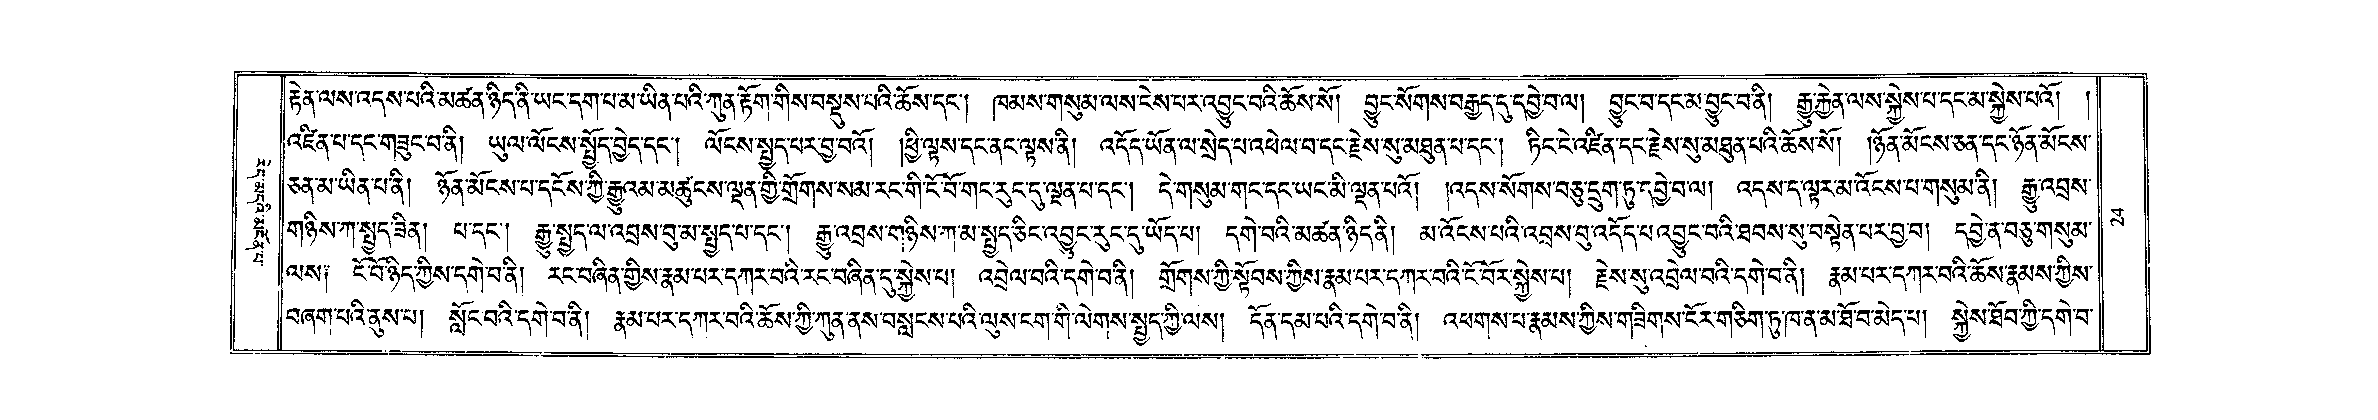རྟེན་ལས་འདས་པའི་མཚན་ཉིད་ནི་ཡང་དག་པ་མ་ཡིན་པའི་ཀུན་རྟོག་གིས་བསྡུས་པའི་ཆོས་དང་། ཁམས་གསུམ་ལས་ངེས་པར་འབྱུང་བའི་ཆོས་སོ། བྱུང་སོགས་བརྒྱད་དུ་དབྱེ་བ་ལ། བྱུང་བ་དང་མ་བྱུང་བ་ནི། རྒྱུ་རྐྱེན་ལས་སྐྱེས་པ་དང་མ་སྐྱེས་པའོ། །
འཛིན་པ་དང་གཟུང་བ་ནི། ཡུལ་ལོངས་སྤྱོད་བྱེད་དང་། ལོངས་སྤྱད་པར་བྱ་བའོ། །ཕྱི་ལྟས་དང་ནང་ལྟས་ནི། འདོད་ཡོན་ལ་སྲེད་པ་འཕེལ་བ་དང་རྗེས་སུ་མཐུན་པ་དང་། ཏིང་ངེ་འཛིན་དང་རྗེས་སུ་མཐུན་པའི་ཆོས་སོ། །ཉོན་མོངས་ཅན་དང་ཉོན་མོངས་
ཅན་མ་ཡིན་པ་ནི། ཉོན་མོངས་པ་དངོས་ཀྱི་རྒྱུའམ་མཚུངས་ལྡན་གྱི་གྲོགས་སམ་རང་གི་ངོ་བོ་གང་རུང་དུ་ལྡན་པ་དང་། དེ་གསུམ་གང་དང་ཡང་མི་ལྡན་པའོ། །འདས་སོགས་བཅུ་དྲུག་ཏུ་དབྱེ་བ་ལ། འདས་ད་ལྟར་མ་འོངས་པ་གསུམ་ནི། རྒྱུ་འབྲས་
གཉིས་ཀ་སྤྱད་ཟིན། པ་དང་། རྒྱུ་སྤྱད་ལ་འབྲས་བུ་མ་སྤྱད་པ་དང་། རྒྱུ་འབྲས་གཉིས་ཀ་མ་སྤྱད་ཅིང་འབྱུང་རུང་དུ་ཡོད་པ། དགེ་བའི་མཚན་ཉིད་ནི། མ་འོངས་པའི་འབྲས་བུ་འདོད་པ་འབྱུང་བའི་ཐབས་སུ་བསྟེན་པར་བྱ་བ། དབྱེ་ན་བཅུ་གསུམ་
ལས༑ ངོ་བོ་ཉིད་ཀྱིས་དགེ་བ་ནི། རང་བཞིན་གྱིས་རྣམ་པར་དཀར་བའི་རང་བཞིན་དུ་སྐྱེས་པ། འབྲེལ་བའི་དགེ་བ་ནི། གྲོགས་ཀྱི་སྟོབས་ཀྱིས་རྣམ་པར་དཀར་བའི་ངོ་བོར་སྐྱེས་པ། རྗེས་སུ་འབྲེལ་བའི་དགེ་བ་ནི། རྣམ་པར་དཀར་བའི་ཆོས་རྣམས་ཀྱིས་
བཞག་པའི་ནུས་པ། སློང་བའི་དགེ་བ་ནི། རྣམ་པར་དཀར་བའི་ཆོས་ཀྱི་ཀུན་ནས་བསླངས་པའི་ལུས་ངག་གི་ལེགས་སྤྱད་ཀྱི་ལས། དོན་དམ་པའི་དགེ་བ་ནི། འཕགས་པ་རྣམས་ཀྱིས་གཟིགས་ངོར་གཅིག་ཏུ་ཁ་ན་མ་ཐོ་བ་མེད་པ། སྐྱེས་ཐོབ་ཀྱི་དགེ་བ་